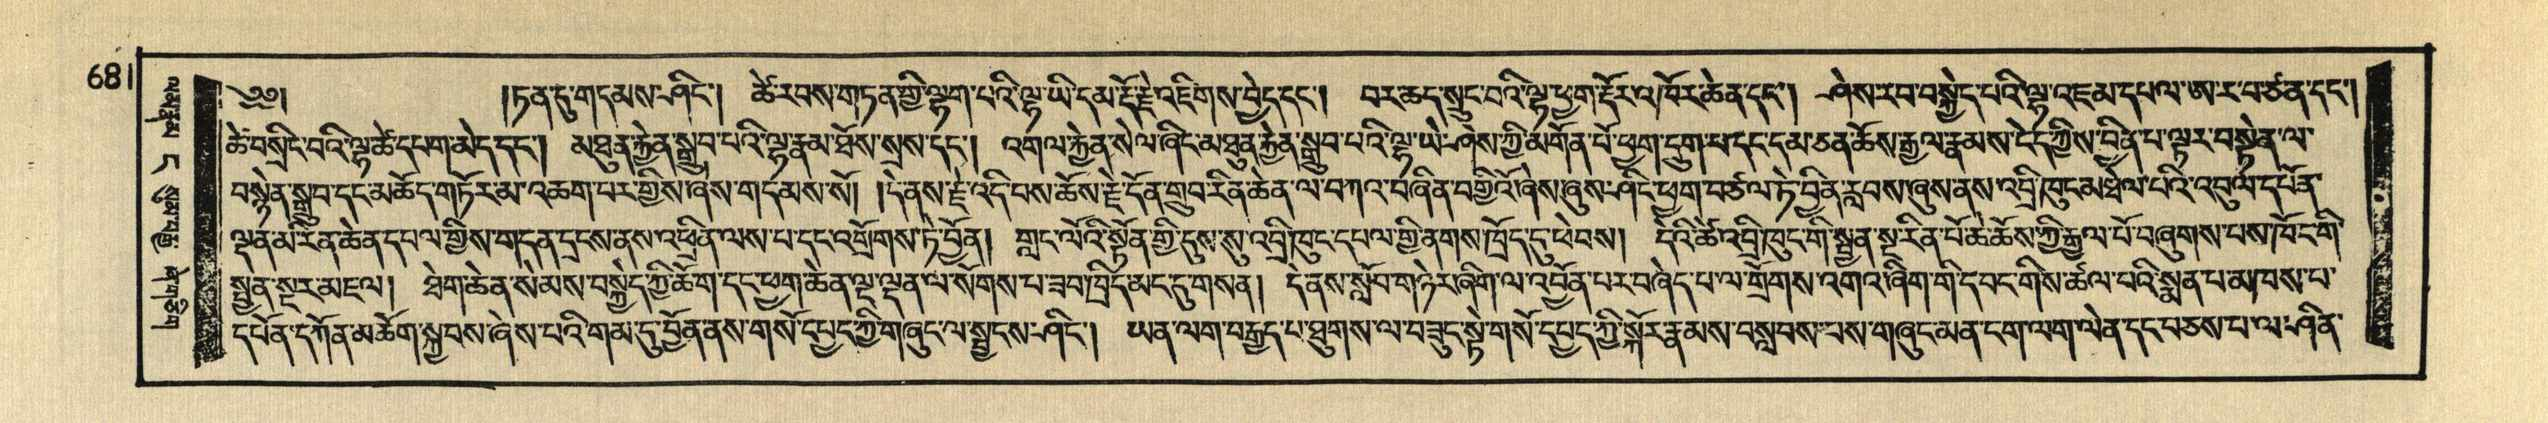༄༅། །ཏན་དུ་གདམས་ཤིང་། ཚེ་རབས་གཏན་གྱི་ལྷག་པའི་ལྷ་ཡི་དམ་རྡོ་རྗེ་འཇིགས་བྱེད་དང་། བར་ཆད་སྲུང་བའི་ལྷ་ཕྱག་རྡོར་འཁོར་ཆེན་དང་། ཤེས་རབ་བསྐྱེད་པའི་ལྷ་འཇམ་དཔལ་ཨ་ར་བ་ཙ་ན་དང་།
ཚེ་བསྲིང་བའི་ལྷ་ཚེ་དཔག་མེད་དང་། མཐུན་རྐྱེན་སྒྲུབ་པའི་ལྷ་རྣམ་ཐོས་སྲས་དང་། འགལ་རྐྱེན་སེལ་ཞིང་མཐུན་རྐྱེན་སྒྲུབ་པའི་ལྷ་ཡེ་ཤེས་ཀྱི་མགོན་པོ་ཕྱག་དྲུག་པ་དང་དམ་ཅན་ཆོས་རྒྱལ་རྣམས་ངེད་ཀྱི་སྦྱིན་པ་ལྟར་བསྟེན་ལ་
བསྙེན་སྒྲུབ་དང་མཆོད་གཏོར་མ་འཆག་པར་གྱིས་ཞེས་གདམས་སོ། །དེ་ནས་རྗེ་འདི་བས་ཆོས་རྗེ་དོན་གྲུབ་རིན་ཆེན་ལ་བཀའ་བཞིན་བགྱིའོ་ཞེས་ཞུས་ཤིང་ཕྱག་བཙལ་ཏེ་བྱིན་རླབས་ཞུས་ནས་འབྲི་ཁུང་མཐེལ་པའི་འབུལ་དཔོན་
ལྡན་མ་རིན་ཆེན་དཔལ་གྱིས་གདན་དྲངས་ནས་འཕྲིན་ལས་པ་དང་འགྲོགས་ཏེ་བྱོན། གླང་ལོའི་སྟོན་གྱི་དུས་སུ་འབྲི་ཁུང་དཔལ་གྱི་ནགས་ཁྲོད་དུ་ཕེབས། དེའི་ཚེ་འབྲི་ཁུང་གི་སྤྱན་སྔ་རིན་པོ་ཆེ་ཆོས་ཀྱི་རྒྱལ་པོ་བཞུགས་པས་ཁོང་གི་
སྤྱན་སྔར་མཇལ། ཐེག་ཆེན་སེམས་བསྐྱེད་ཀྱི་ཆོ་ག་དང་ཕྱག་ཆེན་ལྔ་ལྡན་ལ་སོགས་པ་ཟབ་ཁྲིད་མང་དུ་གསན། དེ་ནས་སློབ་གཉེར་ཞིག་ལ་འབྱོན་པར་བཞེད་པ་ལ་གྲོགས་འགའ་ཞིག་གི་དབང་གིས་ཚལ་པའི་སྨན་པ་མཁས་པ་
དཔོན་དཀོན་མཆོག་སྐྱབས་ཞེས་པའི་གམ་དུ་བྱོན་ནས་གསོ་དཔྱད་ཀྱི་གཞུང་ལ་སྦྱངས་ཤིང་། ཡན་ལག་བརྒྱད་པ་ཐུགས་ལ་བཟུང་སྟེ་གསོ་དཔྱད་ཀྱི་སྐོར་རྣམས་བསླབས་པས་གཞུང་མན་ངག་ལག་ལེན་དང་བཅས་པ་ལ་ཤིན་